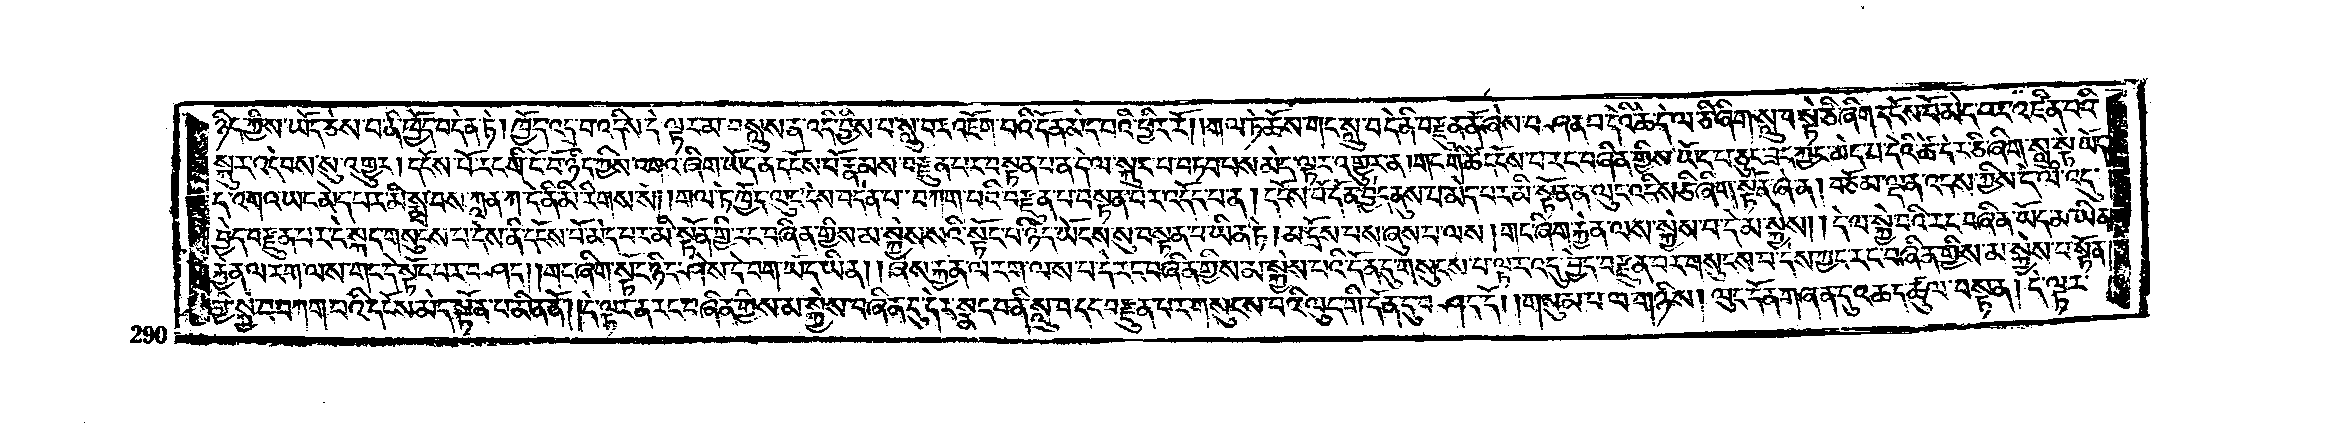ཉིད་ཀྱིས་ཡོད་ཅེས་པ་ནི་ཁྱོད་བདེན་ཏེ། ཁྱོད་འདྲ་བ་འདི་སྡེ་ལྟར་མ་བསླུས་ན་འདི་བྱས་པ་སླུ་བར་འཇོག་པའི་དོན་མེད་པའི་ཕྱིར་རོ། །གལ་ཏེ་ཆོས་གང་སླུ་བ་དེ་ནི་བརྫུན་ནི་ཞེས་བཤད་པ་དེའི་ཚེ་དེ་ལ་ཅི་ཞིག་སླུ་བ་སྟེ་ཅི་ཞིག་དངོས་པོ་མེད་པར་འཛིན་པའི་
སྐུར་འདེབས་སུ་འགྱུར། དངོས་པོ་རང་གི་ངོ་བོ་ཉིད་ཀྱིས་འགའ་ཞིག་ཡོད་ན་དངོས་པོ་རྣམས་བརྫུན་པར་བསྟན་པ་ན་དེ་ལ་སྐུར་པ་བཏབ་པས་མེད་ལྟར་འབྱུང་ན། གང་གི་ཚེ་དངོས་པ་རང་བཞིན་གྱིས་ཡོད་པ་ཅུང་ཟད་ཀྱང་མེད་པ་དེའི་ཚེ་དེར་ཅི་ཞིག་སླུ་སྟེ་ཡོད་
པ་འགའ་ཡང་མེད་པར་མི་སྨྲ་བས་ཀླན་ཀ་དེ་ནི་མི་རིགས་སོ། །གལ་ཏེ་ཁྱོད་ལུང་དིས་བདན་པ་བཀག་པའི་བརྫུན་པ་བསྟན་པར་འདོད་པ་ན། དངོས་པོ་དོན་བྱེད་ནུས་པ་མེད་པར་མི་སྟོན་ན་ལུང་འདིས་ཅི་ཞིག་སྟོན་ཞེ་ན། བཅོམ་ལྡན་འདས་ཀྱིས་དེ་ལ་འདུ་
བྱེད་བརྫུན་པར་དེ་སྐད་གསུངས་པ་དེས་ནི་དངོས་པོ་མེད་པར་མི་སྟོན་གྱི་རང་བཞིན་གྱིས་མ་སྐྱེས་པའི་སྟོང་པ་ཉིད་ཡོངས་སུ་བསྟན་པ་ཡིན་ཏེ། མ་དྲོས་པས་ཞུས་པ་ལས། གང་ཞིག་རྐྱེན་ལས་སྐྱེས་པ་དེ་མ་སྐྱེས། །དེ་ལ་སྐྱེ་བའི་རང་བཞིན་ཡོད་མ་ཡིན་
རྐྱེན་ལ་རག་ལས་གང་དེ་སྟོང་པར་བཤད། །གང་ཞིག་སྟོང་ཉིད་ཤིས་དེ་བག་ཡོད་ཡིན། །ཞེས་རྐྱན་ལ་རག་ལས་པ་དེ་རང་བཞིན་གྱིས་མ་སྐྱེས་པའི་དོན་དུ་གསུངས་པ་ལྟར་འདུ་བྱེད་བརྫུན་པར་གསུངས་པ་དེས་ཀྱང་རང་བཞིན་གྱིས་མ་སྐྱེས་པ་སྟོན་
གྱི་སྐྱེ་བ་བཀག་པའི་དངོས་མེད་སྟོན་པ་མིན་ནོ། །དེ་ལྟར་ན་རང་བཞིན་གྱིས་མ་སྐྱེས་བཞིན་དུ་དེར་སྣང་བ་ནི་སླུ་བ་དང་བརྫུན་པར་གསུངས་པའི་ལུང་གི་དོན་དུབ་ཤད་དོ། །གསུམ་པ་ལ་གཉིས། ལུང་དོན་གཞན་དུ་འཆད་ཚུལ་བསྟན། དེ་ལྟར་